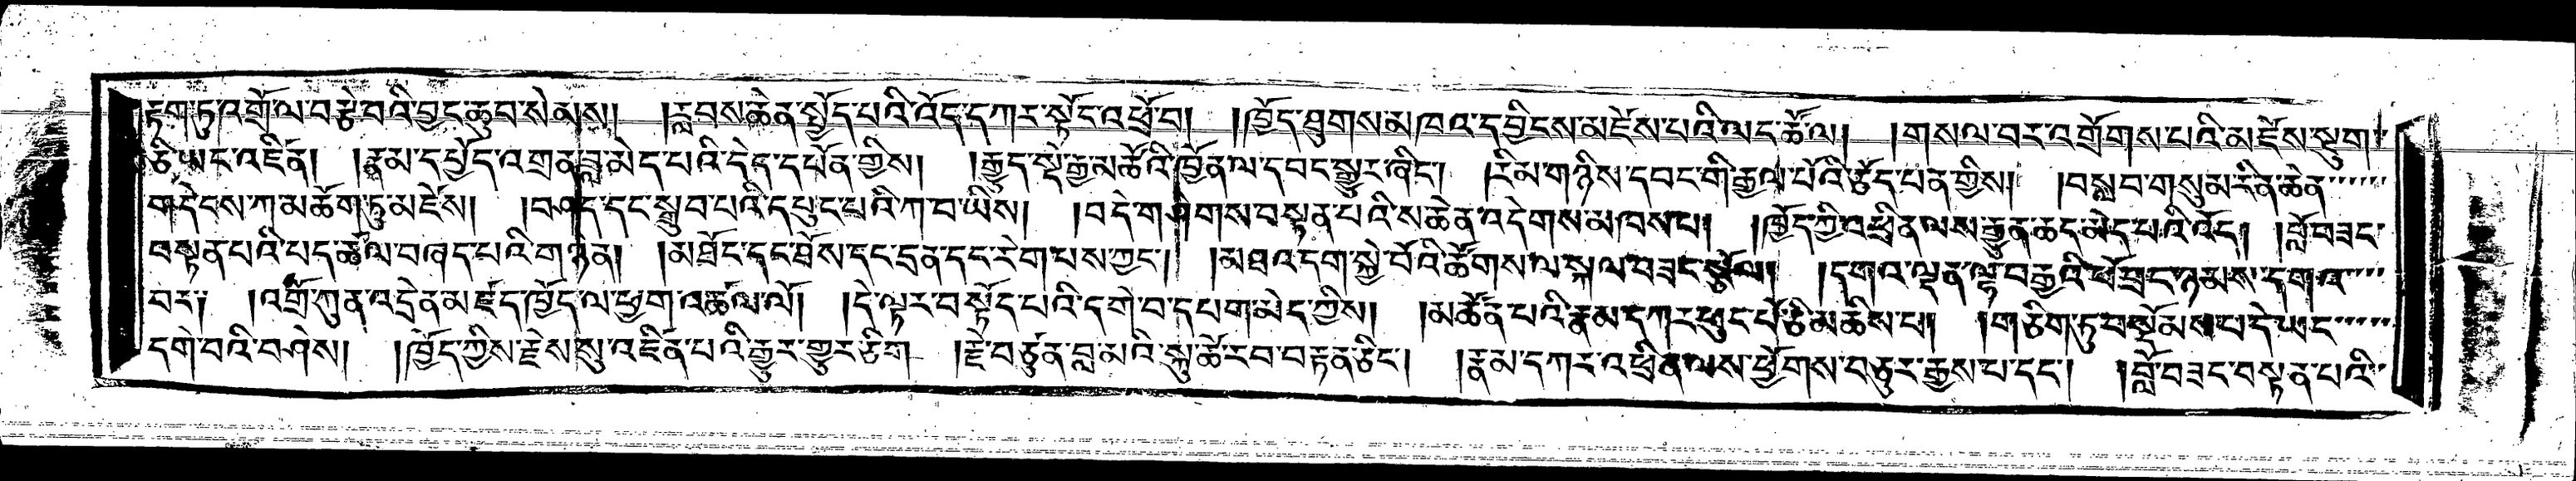རྟག་ཏུ་འགྲོ་ལ་བརྩེ་བའི་བྱང་ཆུབ་སེམས། །རླབས་ཆེན་སྤྱོད་པའི་འོད་དཀར་སྟོང་འཕྲོ་བ། །ཁྱོད་ཐུགས་མཁའ་དབྱིངས་མཛེས་པའི་ལང་ཚོ་ལ། །གསལ་བར་འགྲོགས་པའི་མཛེས་སྡུག་
ཅི་ཡང་འཛིན། །རྣམ་དཔྱོད་འགྲན་ཟླ་མེད་པའི་དེད་དཔོན་གྱིས། །རྒྱུད་སྡེ་རྒྱ་མཚོའི་ཁྱོན་ལ་དབང་སྒྱུར་ཞིང་། །རིམ་གཉིས་དབང་གི་རྒྱལ་པོའི་ཅོད་པན་གྱིས། །བསླབ་གསུམ་རིན་ཆེན་
གདེངས་ཀ་མཆོག་ཏུ་མཛེས། །བཤད་དང་སྒྲུབ་པའི་དཔུང་པའི་ཀ་བ་ཡིས། །བདེ་གཤེགས་བསྟན་པའི་ས་ཆེན་འདེགས་མཁས་པ། །ཁྱོད་ཀྱི་འཕྲིན་ལས་རྒྱུན་ཆད་མེད་པའི་འོད། །བློ་བཟང་
བསྟན་པའི་པད་ཚལ་བཞད་པའི་གཉེན། །མཐོང་དང་ཐོས་དང་དྲན་དང་རེག་པས་ཀྱང་། །མཐའ་དག་སྐྱེ་བོའི་ཚོགས་ལ་སྐལ་བཟང་སྩོལ། །དགའ་ལྡན་ལྷ་བརྒྱའི་ཕོ་བྲང་ཉམས་དགའ་
བར༑ །འགྲོ་ཀུན་འདྲེན་མཛད་ཁྱོད་ལ་ཕྱག་འཚལ་ལོ། །དེ་ལྟར་བསྟོད་པའི་དགེ་བ་དཔག་མེད་ཀྱིས། །མཚོན་པའི་རྣམ་དཀར་ཕུང་པོ་ཅི་མཆིས་པ། །གཅིག་ཏུ་བསྡོམས་པ་དེ་ཡང་
དགེ་བའི་བཤེས། །ཁྱོད་ཀྱིས་རྗེས་སུ་འཛིན་པའི་རྒྱུར་གྱུར་ཅིག །རྗེ་བཙུན་བླ་མའི་སྐུ་ཚེ་རབ་བརྟན་ཅིང་། །རྣམ་དཀར་འཕྲིན་ལས་ཕྱོགས་བཅུར་རྒྱས་པ་དང་། །བློ་བཟང་བསྟན་པའི་